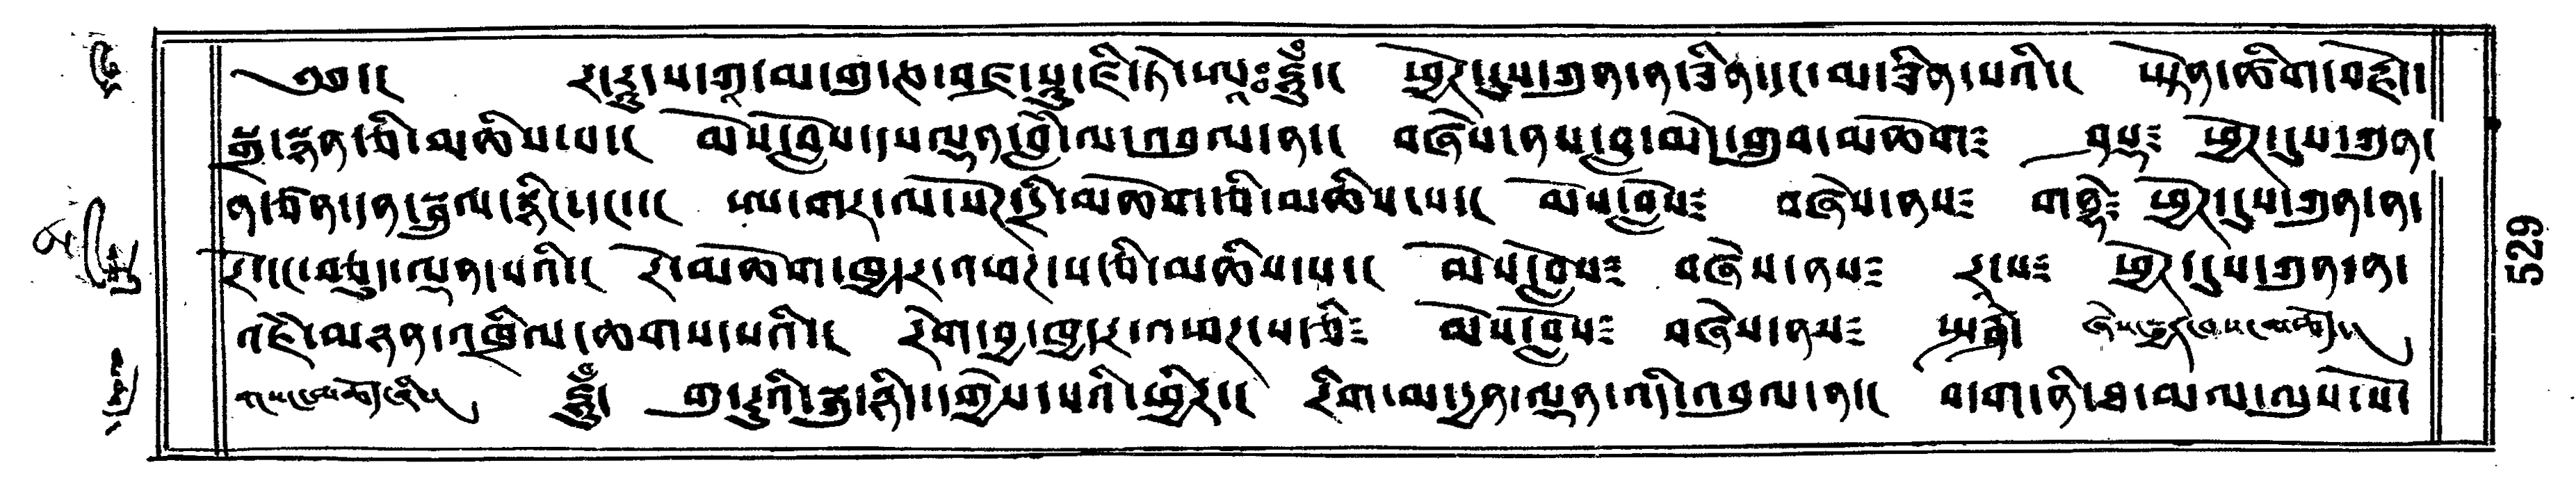ར་རཱུ་པ་ཀཱ་མ་གུ་ཎ་བཛྲ་པཱུ་ཛི་ཏེ་ཨཱཿཧཱུྃ། ཕྱོགས་དུས་ཀུན་ན་ཟིན་དང་མ་ཟིན་པའི། །ཡོན་ཏན་ཚིག་བརྗོད་
སྒྲ་སྙན་ཅི་མཆིས་པ། །མོས་བློས་དཔལ་ལྡན་བླ་མ་ལ་འབུལ་ན། །བཞེས་ནས་བླ་མེད་གྲུབ་མཆོག༴ ཤབྡ༴ ཕྱོགས་དུས་ཀུན་
ན་ཙན་དན་སྦྲུལ་སྙིང་དང་། །ཨ་གར་ལ་སོགས་དྲི་མཆོག་ཅི་མཆིས་པ། །མོས་བློས༴ བཞེས་ནས༴ གནྡྷེ༴ ཕྱོགས་དུས་ཀུན་ན་
རོ་དང་བཅུད་ལྡན་པའི། །རོ་མཆོག་ཁྱད་པར་འཕགས་པ་ཅི་མཆིས་པ། །མོས་བློས༴ བཞེས་ནས༴ རཱ་ས༴ ཕྱོགས་དུས་ཀུན་ན་
འཇམ་མཉན་འཁྲིལ་ཆགས་པའི། །རེག་བྱ་ཁྱད་པར་འཕགས་པ་ཅི༴ མོས་བློས༴ བཞེས་ནས༴ སྤརྴེ། ཞེས་སྦྱར་བས་མཆོད། 
གསང་མཆོད་ནི ། ཧཱུྃ། གུ་རུའི་སྐུ་ཉིད་དགྱེས་པའི་ཕྱིར། །རིག་མ་རྒྱན་ལྡན་འདི་འབུལ་ན། །བདག་ནི་ཐ་མལ་ལུས་པོ་